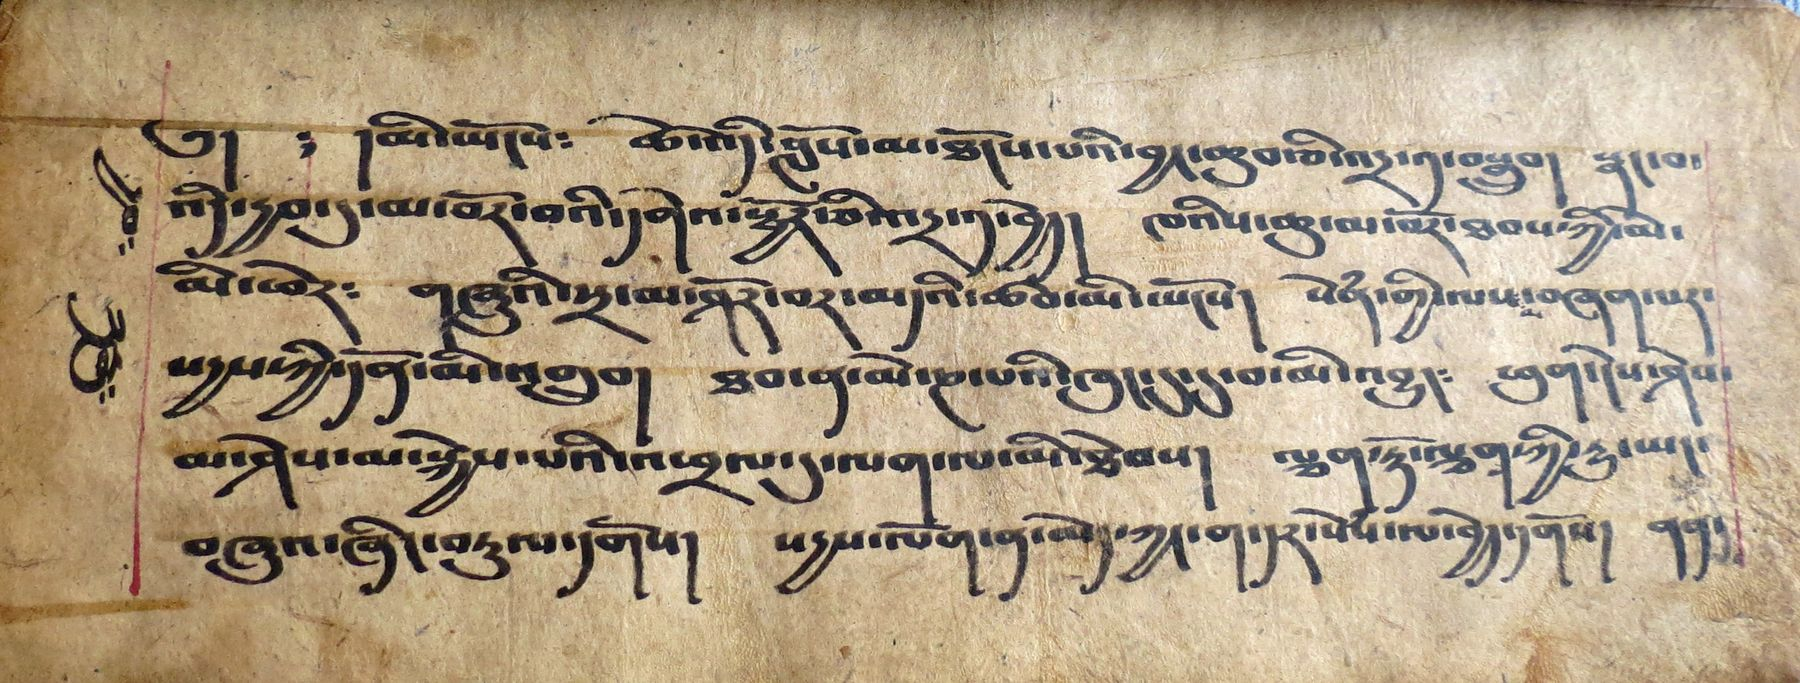མི་ཡོང་། ཚེ་འདི་བློས་མ་ཐོངས་པས་བྱང་ཆུབ་ཅི་འདྲ་ཞིག་བསྒྲུབ། སྣང་བ་
འདི་རྒྱབ་ཏུ་མ་བོར་བའི་དགེ་སྦྱོར་ཅི་འདྲ་ཞིག་བྱེད། ཁའི་ཆུ་མ་བོར་བའི་ཐབ་ཀྱི་མེ་
མི་ཕེར། གཞུའི་སྲ་མ་ཤོར་བའི། མདའི་ཚབ་མི་ཡོང་། སེམས་ཅན་གྱི་ལས་མ་བཞག་པའི་
སངས་རྒྱས་ཀྱི་དོན་མི་འགྲུབ། ཐབ་ན་མེ་མེད་པའི་ཁོང་ནས་དུ་བ་མི་འབྱུང་། ཕུགས་སུ་ངེས་
མ་ཤེས་མ་སྐྱེས་པའི་འཕྲལ་དུ་ལག་ལེན་ལ་མི་ཐེབས། ལྕགས་རྡོ་ལྕགས་ཀྱི་རྒྱུ་ཡིན་ཀྱང་
བཞུ་ཞིང་གདུལ་དགོས། སངས་རྒྱས་ལོགས་ན་མེད་ཀྱང་ག་དར་སེམས་ལ་བྱེད་དགོས། ནན་